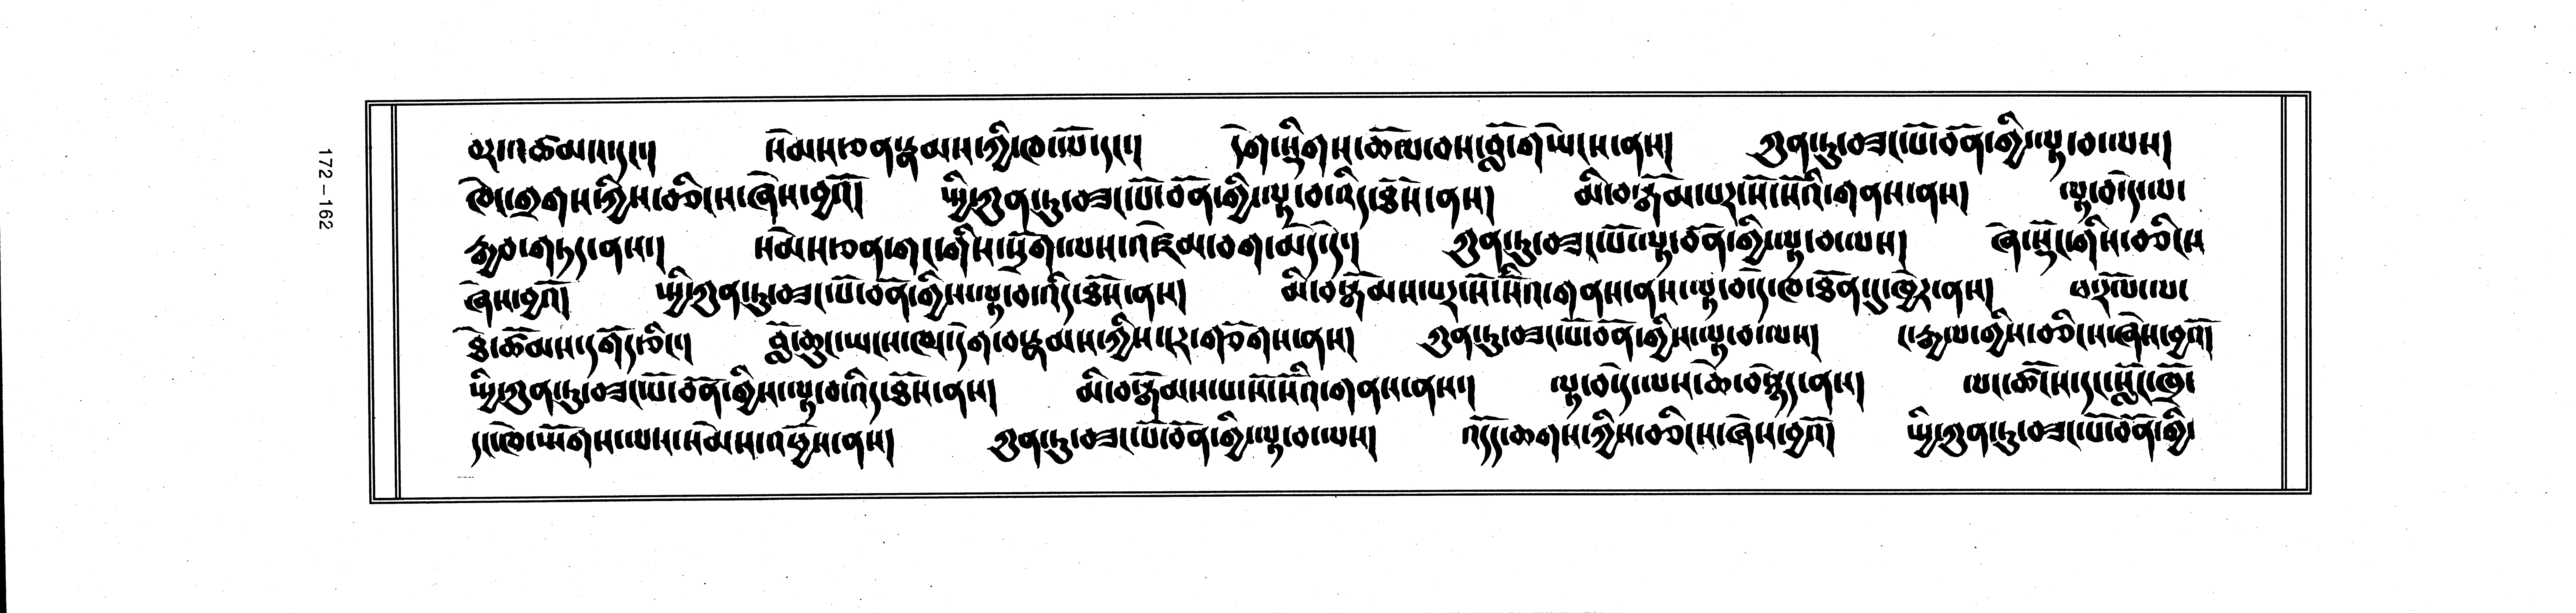བར་འཚམས་དང་། སེམས་ཅན་རྣམས་ཀྱི་ཁ་ལོ་དང་། དགེ་སྡིག་ཆོ་བས་བློ་གཡེངས་ནས། ཀུན་ཏུ་བཟང་པོ་བོན་གྱི་ལྟ་བ་ལས། 
ཁེང་གྲགས་ཀྱིས་བཅིངས་ཞེས་བྱའོ། སྤྱི་ཀུན་ཏུ་བཟང་པོ་བོན་གྱི་ལྟ་བ་འདི་ཐོས་ནས། མི་བསྒོམ་པར་སོ་སོའི་གནས་ནས། ལྟ་བ་དེ་ལ་
རྒྱབ་གཏད་ནས། སེམས་ཅན་གང་གིས་སྲོག་ལས་འཛེམ་བག་མེད་དེ། ཀུན་ཏུ་བཟང་པོ་བོན་གྱི་ལྟ་བ་ལས། ཞེ་སྡང་གིས་བཅིངས་
ཞེས་བྱའོ། སྤྱི་ཀུན་ཏུ་བཟང་པོ་བོན་གྱིས་ལྟ་བ་འདི་ཐོས་ནས། མི་བསྒོམ་པར་སོ་སོའི་གནས་ནས་ལྟ་བ་དེ་ཁ་ཐོན་དུ་ཁྱེར་ནས། ཕ་རོལ་ལ་
ཐེ་ཚོམ་དགོས་ཅིང་། བློ་ཆུང་ཡང་ཀང་དགེ་བ་རྣམས་ཀྱིས་དར་གཅོགས་ནས། ཀུན་ཏུ་བཟདང་པོ་བོན་གྱི་ལྟ་བ་ལས། ང་རྒྱལ་གྱིས་བཅིངས་ཞེས་བྱའོ། 
སྤྱི་ཀུན་ཏུ་བཟང་པོ་བོན་གྱི་ལྟ་བ་འདི་ཐོས་ནས། མི་བསྒོམ་པར་སོ་སོའི་གནས་ནས། ལྟ་བ་དེ་ལས་ཆེ་བསྙེད་ནས། ལང་ཚངས་དང་ཁོང་ཁྲོ་
དང་ཁེ་སོགས་ལ་སེམས་འཕྱོས་ནས། ཀུན་ཏུ་བཟདང་པོ་བོན་གྱི་ལྟ་བ་ལས། འདོད་ཆགས་ཀྱིས་བཅིངས་ཞེས་བྱའོ། སྤྱི་ཀུན་ཏུ་བཟང་པོ་བོན་གྱི་